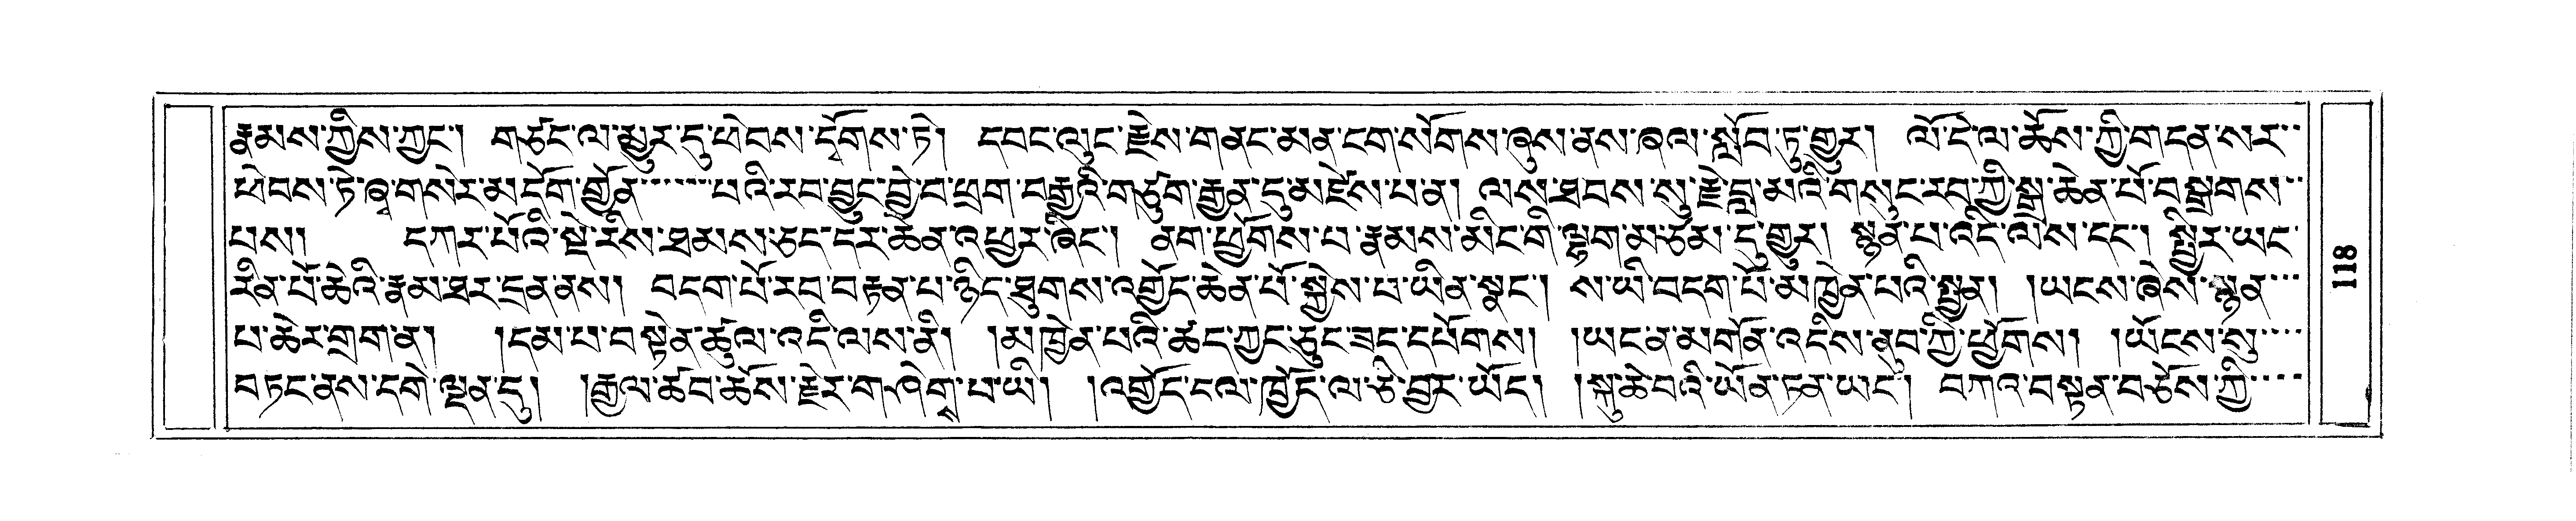རྣམས་ཀྱིས་ཀྱང་། གཙང་ལ་མྱུར་དུ་ཕེབས་དྭོགས་ཏེ། དབང་ལུང་རྗེས་གནང་མན་ངག་སོགས་ཞུས་ནས་ཞལ་སློབ་ཏུ་གྱུར། ལོ་དེ་ལ་ཆོས་ཀྱི་གདན་སར་
ཕེབས་ཏེ་ཞྭ་གསེར་མདོག་གྱོན་པའི་རབ་བྱུང་བྱེ་བ་ཕྲག་བརྒྱའི་གཙུག་རྒྱན་དུ་མཛེས་པ་ན། ལས་ཐབས་སུ་རྗེ་བླ་མའི་གསུང་རབ་ཀྱི་སྒྲ་ཆེན་པོ་བསྒྲགས་
པས། དཀར་པོའི་སྡེ་རིས་ཐམས་ཅད་དར་ཆེན་འཕྱར་ཞིང་། ནག་ཕྱོགས་པ་རྣམས་མིང་གི་ལྷག་མ་ཙམ་དུ་གྱུར། སྙན་པ་འདི་ལས་དང་། སྤྱིར་ཡང་
རིན་པོ་ཆེའི་རྣམ་ཐར་དྲན་ནས། བདག་པོ་རབ་བརྟན་པ་ཉིད་ཐུགས་འགྱོད་ཆེན་པོ་སྐྱེས་པ་ཡིན་སྣང་། ས་ཡི་བདག་པོ་མཁྱེན་པའི་སྤྱན། །ཡངས་ཞེས་སྙན་
པ་ཆེར་གྲག་ན། །དམ་པ་བསྟེན་ཚུལ་འདི་ལས་ནི། །མཁྱེན་པའི་ཚད་ཀྱང་ཅུང་ཟད་དཔོགས། །ཡང་ན་མགོན་འདིས་ནུབ་ཀྱི་ཕྱོགས། །ཡོངས་སུ་
བཏང་ནས་དགེ་ལྡན་དུ། །རྒྱལ་ཚབ་ཆོས་རྗེར་གཤེགས་པ་ཡི། །འགྱོད་ངལ་ཁྱོད་ལ་ཅི་བྱར་ཡོད། །སྐུ་ཆེ་བའི་ཡོན་ཏན་ཡང་། བཀའ་བསྟན་བཅོས་ཀྱི་